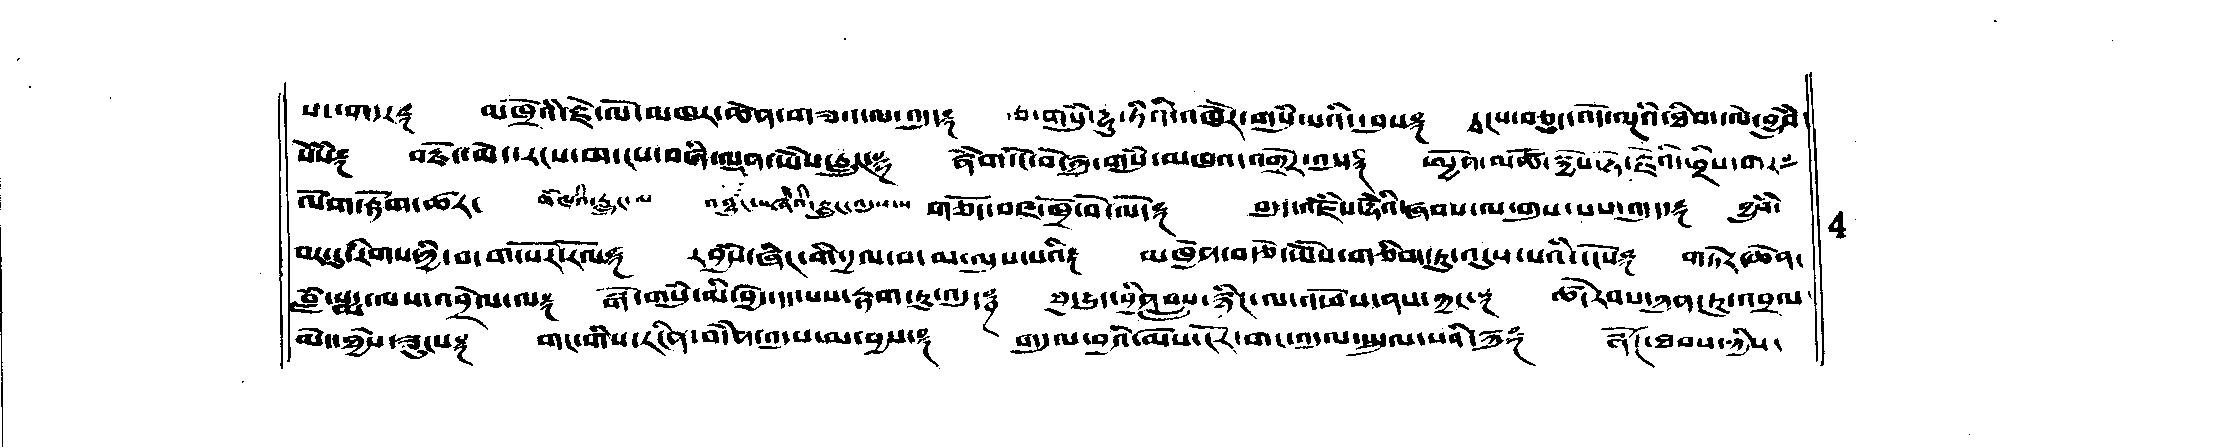སང་ག་ར། །མཁའ་འགྲོའི་རྗེ་མོ་མཁར་ཆེན་གཟའ་ལ་འདུད། །རྩ་གསུམ་དྷུ་ཏིའི་འཁོར་ལོ་གསུམ་པའི་དབུས། །དྭངས་བཅུད་འོད་ལྔའི་ཐིག་ལེ་བྱང་ཆུབ་
སེམས། །བརྗོད་མེད་རང་གདངས་བཞི་ལྡན་ ༼ནམ་མཁའི་རླུང་ལ་འབྱུང་བཞིའི་རླུང་འདུས་པ།༽ཡེ་ཤེས་རླུང་། །རྣམ་དག་ངོ་བོ་སྐུ་གསུམ་མཁའ་འགྲོར་འདུད། །ཨོ་རྒྱན་མཚོ་སྐྱེས་རྡོ་རྗེའི་ཕྲིན་ལས་གར། །
ལོག་རྟོག་ཚར་གཅོད་བཛྲ་གྲོ་བོ་ལོད། །བདུད་འཇོམས་རྡོ་རྗེའི་ཞབས་ལ་གུས་པས་འདུད། །བྱང་ཆུབ་
བར་དུ་རིགས་ཀྱི་བདག་པོར་རོལ། །རབ་འབྱམས་ཞིང་གི་རྒྱལ་བ་མ་ལུས་པའི། །མཁྱེན་བརྩེ་ཡེ་ཤེས་གཅིག་ཏུ་འདུས་པའི་དངོས། །གཏེར་ཆེན་
བླ་མ་པདྨ་ལས་འབྲེལ་ལ། །སྒོ་གསུམ་མི་ཕྱེད་དད་པས་རྟག་ཏུ་འདུད། །ཐུགས་རྒྱུད་བྱིན་རླབས་སྙིང་ལ་འཕོས་ནས་ཀྱང་། །ཚེ་རབས་ཀུན་ཏུ་འབྲལ་
མེད་ཐུགས་རྗེས་ཟུངས། །གང་གིས་རང་བཞིན་བདེ་ཆེན་འདུས་མ་བྱས། །གདུལ་བྱའི་མོས་ངོར་གང་འདུལ་སྤྲུལ་པའི་སྐུ། །སྣ་ཚོགས་ཐབས་ཀྱིས་